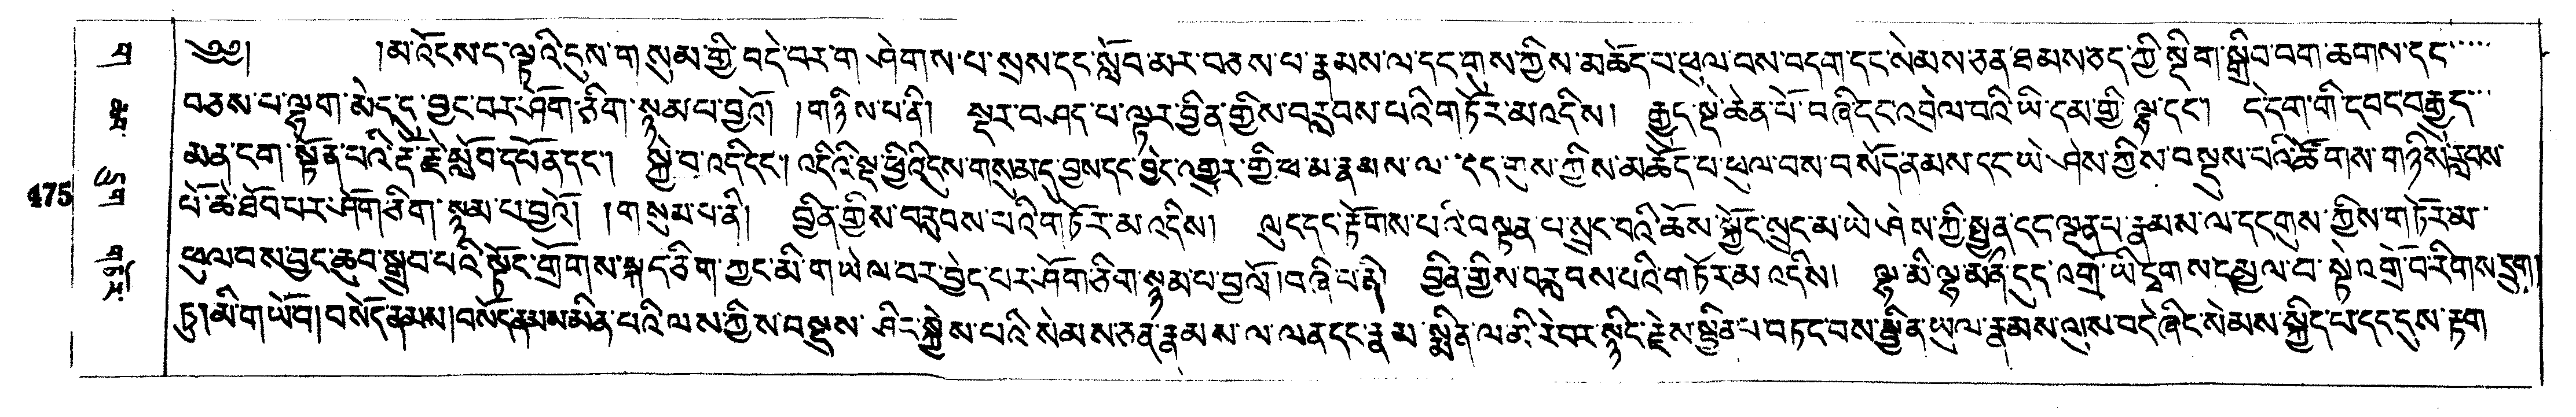༄༅། །མ་འོངས་ད་ལྟའི་དུས་གསུམ་གྱི་བདེ་བར་གཤེགས་པ་སྲས་དང་སློབ་མར་བཅས་པ་རྣམས་ལ་དང་གུས་ཀྱིས་མཆོད་པ་ཕུལ་བས་བདག་དང་སེམས་ཅན་ཐམས་ཅད་ཀྱི་སྡིག་སྒྲིབ་བག་ཆགས་དང་
བཅས་པ་ལྷག་མེད་དུ་བྱང་བར་ཤོག་ཅིག་སྙམ་པ་བྱའོ། །གཉིས་པ་ནི། སྔར་བཤད་པ་ལྟར་བྱིན་གྱིས་བརླབས་པའི་གཏོར་མ་འདིས། རྒྱུད་སྡེ་ཆེན་པོ་བཞི་དང་འབྲེལ་བའི་ཡི་དམ་གྱི་ལྷ་དང་། དེ་དག་གི་དབང་བརྒྱུད་
མན་ངག་སྟོན་པའི་རྡོ་རྗེ་སློབ་དཔོན་དང་། སྐྱེ་བ་འདི་དང་། འདིའི་སྔ་ཕྱིའི་དུས་གསུམ་དུ་བྱས་དང་བྱེད་འགྱུར་གྱི་ཕ་མ་རྣམས་ལ་དད་གུས་ཀྱིས་མཆོད་པ་ཕུལ་བས་བསོད་ནམས་དང་ཡེ་ཤེས་ཀྱིས་བསྡུས་པའི་ཚོགས་གཉིས་རླབས་
པོ་ཆེ་ཐོབ་པར་ཤོག་ཅིག་སྙམ་པ་བྱའོ། །གསུམ་པ་ནི། བྱིན་གྱིས་བརླབས་པའི་གཏོར་མ་འདིས། ལུང་དང་རྟོགས་པའི་བསྟན་པ་སྲུང་བའི་ཆོས་སྐྱོང་སྲུང་མ་ཡེ་ཤེས་ཀྱི་སྤྱན་དང་ལྡན་པ་རྣམས་ལ་དད་གུས་ཀྱིས་གཏོར་མ་
ཕུལ་བས་བྱང་ཆུབ་སྒྲུབ་པའི་སྟོང་གྲོགས་སྐད་ཅིག་ཀྱང་མི་གཡེལ་བར་བྱེད་པར་ཤོག་ཅིག་སྙམ་པ་བྱའོ། །བཞི་པ་ནི། བྱིན་གྱིས་བརླབས་པའི་གཏོར་མ་འདིས། ལྷ་མི་ལྷ་མིན་དུད་འགྲོ་ཡི་དྭགས་དམྱལ་བ་སྟེ་འགྲོ་བ་རིགས་དྲུག་
ཏུ། མི་གཡོ་བ། བསོད་ནམས། བསོད་ནམས་མིན་པའི་ལས་ཀྱིས་བསྡུས་ཤིང་སྐྱེས་པའི་སེམས་ཅན་རྣམས་ལ་ལན་དང་རྣམ་སྨིན་ལ་མི་རེ་བར་སྙིང་རྗེས་སྦྱིན་པ་བཏང་བས་སྦྱིན་ཡུལ་རྣམས་ལུས་བདེ་ཞིང་སེམས་སྐྱིད་པ་དང་དུས་རྟག་